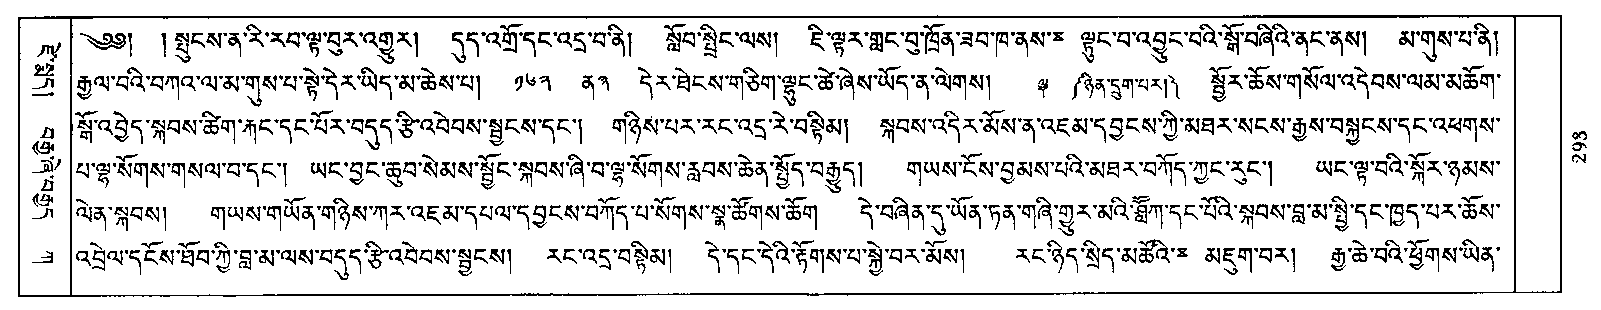༄༅། །སྤུངས་ན་རི་རབ་ལྟ་བུར་འགྱུར། དུད་འགྲོ་དང་འདྲ་བ་ནི། སློབ་སྤྲིང་ལས། ཇི་ལྟར་གླང་བུ་ཁྲོན་ཟབ་ཁ་ནས་྾་ལྟུང་བ་འབྱུང་བའི་སྒོ་བཞིའི་ནང་ནས། མ་གུས་པ་ནི།
རྒྱལ་བའི་བཀའ་ལ་མ་གུས་པ་སྟེ་དེར་ཡིད་མ་ཆེས་པ། ༡༦༢་ན ༣་དེར་ཐེངས་གཅིག་ལྷུང་ཚེ་ཞེས་ཡོད་ན་ལེགས། ༈ ?ཉིན་དྲུག་པར། སྦྱོར་ཆོས་གསོལ་འདེབས་ལམ་མཆོག་
སྒོ་འབྱེད་སྐབས་ཚིག་རྐང་དང་པོར་བདུད་རྩི་འབེབས་སྦྱངས་དང་། གཉིས་པར་རང་འདྲ་རེ་བསྟིམ། སྐབས་འདིར་མོས་ན་འཇམ་དབྱངས་ཀྱི་མཐར་སངས་རྒྱས་བསྐྱངས་དང་འཕགས་
པ་ལྷ་སོགས་གསལ་བ་དང་། ཡང་བྱང་ཆུབ་སེམས་སྦྱོང་སྐབས་ཞི་བ་ལྷ་སོགས་རླབས་ཆེན་སྤྱོད་བརྒྱུད། གཡས་ངོས་བྱམས་པའི་མཐར་བཀོད་ཀྱང་རུང་། ཡང་ལྟ་བའི་སྐོར་ཉམས་
ལེན་སྐབས། གཡས་གཡོན་གཉིས་ཀར་འཇམ་དཔལ་དབྱངས་བཀོད་པ་སོགས་སྣ་ཚོགས་ཆོག་དེ་བཞིན་དུ་ཡོན་ཏན་གཞི་གྱུར་མའི་ཤླཽ་ཀ་དང་པོའི་སྐབས་བླ་མ་སྤྱི་དང་ཁྱད་པར་ཆོས་
འབྲེལ་དངོས་ཐོབ་ཀྱི་བླ་མ་ལས་བདུད་རྩི་འབེབས་སྦྱངས། རང་འདྲ་བསྟིམ། དེ་དང་དེའི་རྟོགས་པ་སྐྱེ་བར་མོས། རང་ཉིད་སྲིད་མཚོའི་྾་མཇུག་བར། རྒྱ་ཆེ་བའི་ཕྱོགས་ཡིན་